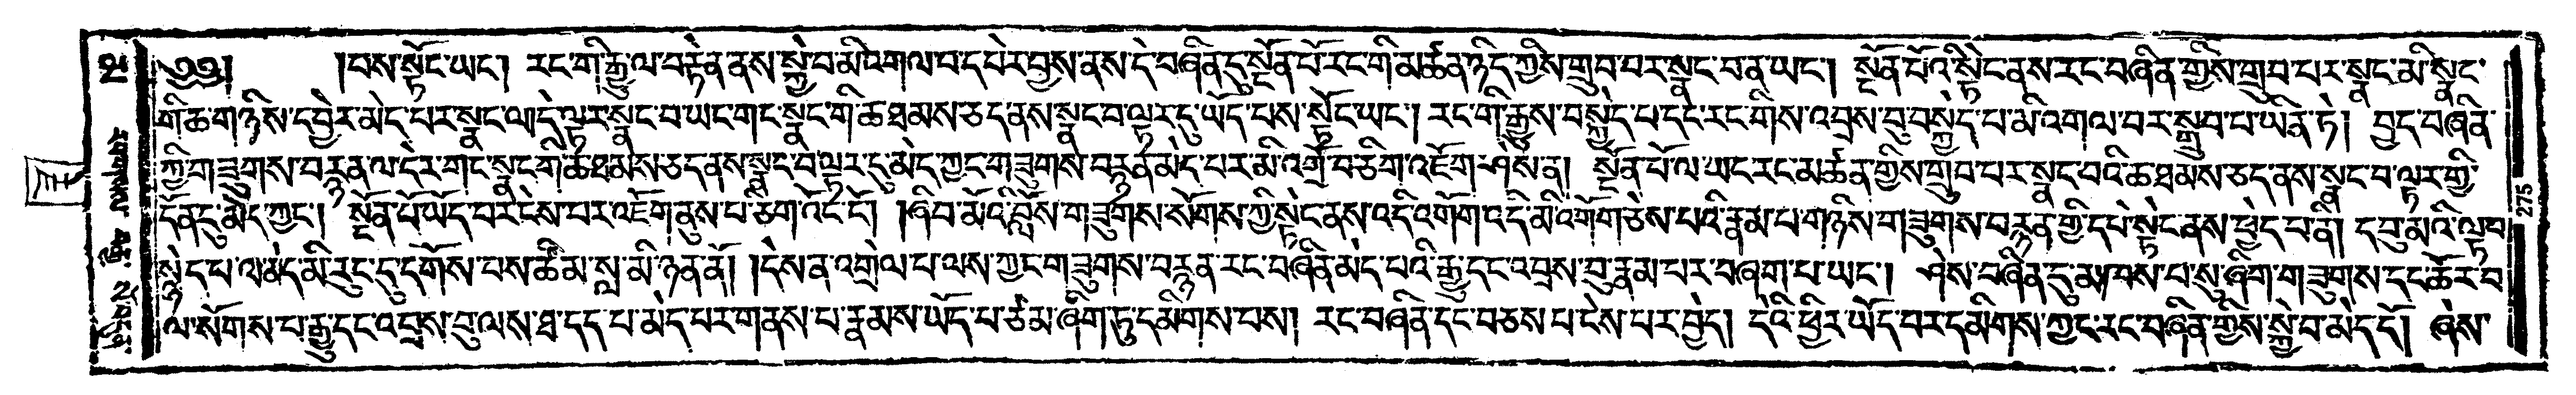༄༅། །པས་སྟོང་ཡང་། རང་གི་རྒྱུ་ལ་བརྟེན་ནས་སྐྱེ་བ་མི་འགལ་བ་དཔེར་བྱས་ནས་དེ་བཞིན་དུ་སྔོན་པོ་རང་གི་མཚན་ཉིད་ཀྱིས་གྲུབ་པར་སྣང་བ་ན་ཡང་། སྔོན་པོའི་སྟེང་ནས་རང་བཞིན་གྱིས་གྲུབ་པར་སྣང་མི་སྣང་
གི་ཆ་གཉིས་དབྱེར་མེད་པར་སྣང་ལ། དེ་ལྟར་སྣང་བ་ཡང་གང་སྣང་གི་ཆ་ཐམས་ཅད་ནས་སྣང་བ་ལྟར་དུ་ཡོད་པས་སྟོང་ཡང་། རང་གི་རྒྱུས་བསྐྱེད་པ་དང་རང་གིས་འབྲས་བུ་བསྐྱེད་པ་མི་འགལ་བར་སྒྲུབ་པ་ཡིན་ཏེ། བྱད་བཞིན་
ཀྱི་གཟུགས་བརྙན་ལ་དེར་གང་སྣང་གི་ཆ་ཐམས་ཅད་ནས་སྣང་བ་ལྟར་དུ་མེད་ཀྱང་གཟུགས་བརྙན་མེད་པར་མི་འགྲོ་བ་ཅིག་འཇོག་ཤེས་ན། སྔོན་པོ་ལ་ཡང་རང་མཚན་གྱིས་གྲུབ་པར་སྣང་བའི་ཆ་ཐམས་ཅད་ནས་སྣང་བ་ལྟར་གྱི་
དོན་དུ་མེད་ཀྱང་། སྔོན་པོ་ཡོད་པར་ངེས་པར་འཇོག་ནུས་པ་ཅིག་འོང་ངོ། །ཞིབ་མོའི་བློས་གཟུགས་སོགས་ཀྱི་སྟེང་ནས་འདི་འགོག་འདི་མི་འགོག་ཅེས་པའི་རྣམ་པ་གཉིས་གཟུགས་བརྙན་གྱི་དཔེ་སྟེང་ནས་ཕྱེད་པ་ནི། དབུ་མའི་ལྟ་བ་
སྙེད་པ་ལ་མེད་མི་རུང་དུ་དགོས་པས་ཚིམ་སླ་མི་ཉན་ནོ། །དེས་ན་འགྲེལ་པ་ལས་ཀྱང་གཟུགས་བརྙན་རང་བཞིན་མེད་པའི་རྒྱུ་དང་འབྲས་བུ་རྣམ་པར་བཞག་པ་ཡང་། ཤེས་བཞིན་དུ་མཁས་པ་སུ་ཞིག་གཟུགས་དང་ཚོར་བ་
ལ་སོགས་པ་རྒྱུ་དང་འབྲས་བུ་ལས་ཐ་དད་པ་མེད་པར་གནས་པ་རྣམས་ཡོད་པ་ཙམ་ཞིག་ཏུ་དམིགས་པས། རང་བཞིན་དང་བཅས་པ་ངེས་པར་བྱེད། དེའི་ཕྱིར་ཡོད་པར་དམིགས་ཀྱང་རང་བཞིན་གྱིས་སྐྱེ་བ་མེད་དོ། ཞེས་